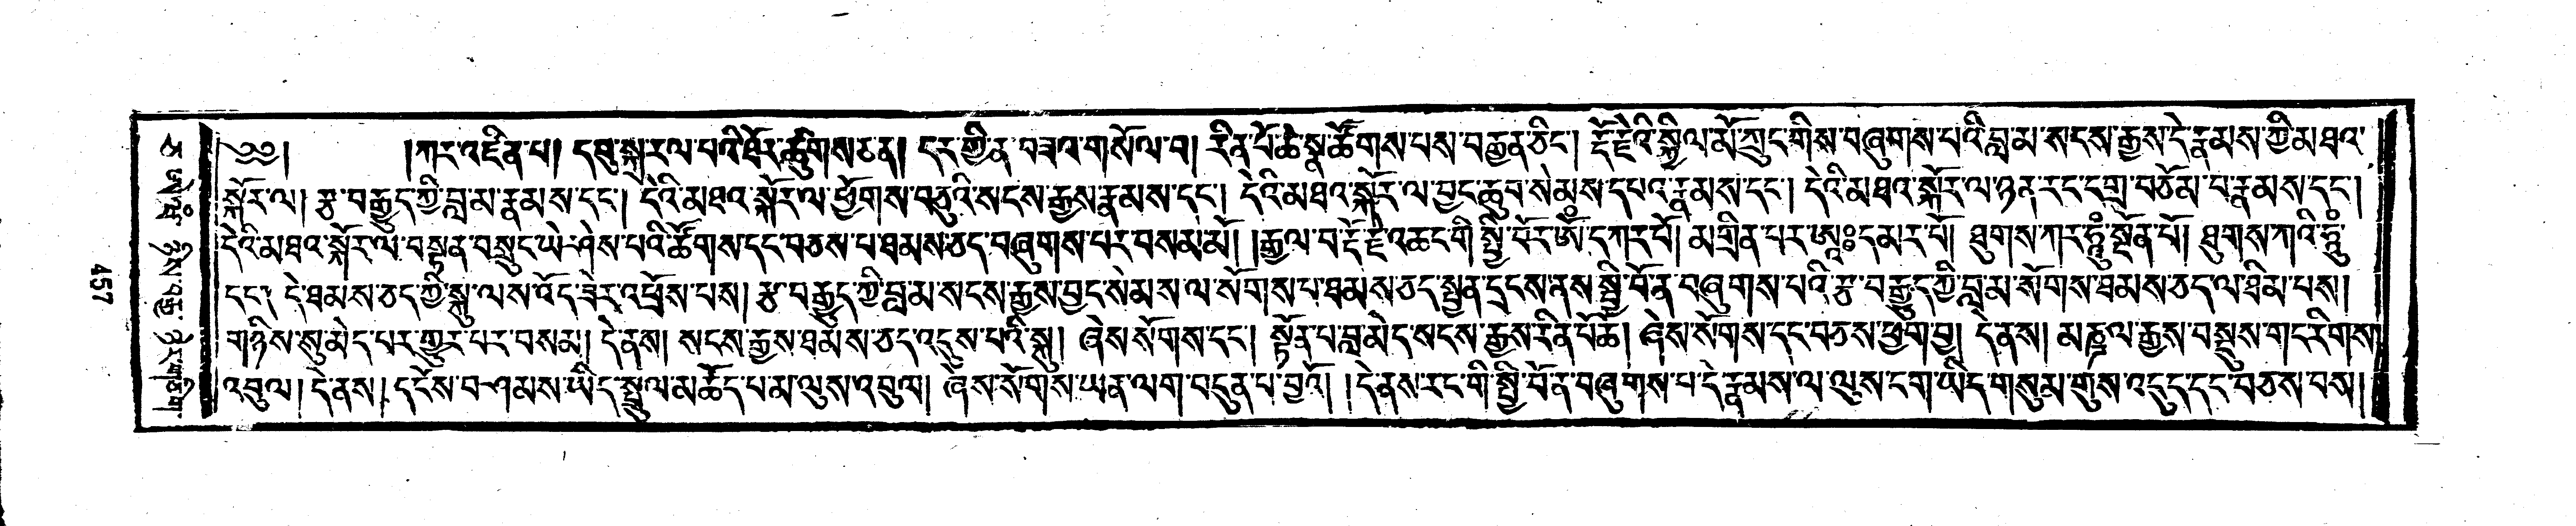༄༅། །ཀར་འཛིན་པ། དབུ་སྐྲ་རལ་པའི་ཐོར་ཚུགས་ཅན། དར་གྱི་ན་བཟའ་གསོལ་བ། རིན་པོ་ཆེ་སྣ་ཚོགས་པས་བརྒྱན་ཅིང་། རྡོ་རྗེའི་སྐྱིལ་མོ་ཀྲུང་གིས་བཞུགས་པའི་བླ་མ་སངས་རྒྱས་དེ་རྣམས་ཀྱི་མཐའ་
སྐོར་ལ། རྩ་བརྒྱུད་ཀྱི་བླ་མ་རྣམས་དང་། དེའི་མཐའ་སྐོར་ལ་ཕྱོགས་བཅུའི་སངས་རྒྱས་རྣམས་དང་། དེའི་མཐའ་སྐོར་ལ་བྱང་ཆུབ་སེམས་དཔའ་རྣམས་དང་། དེའི་མཐའ་སྐོར་ལ་ཉན་རང་དགྲ་བཅོམ་པ་རྣམས་དང་།
དེའི་མཐའ་སྐོར་ལ་བསྟན་བསྲུང་ཡེ་ཤེས་པའི་ཚོགས་དང་བཅས་པ་ཐམས་ཅད་བཞུགས་པར་བསམ་མོ། །རྒྱལ་བ་རྡོ་རྗེ་འཆང་གི་སྤྱི་བོར་ཨོཾ་དཀར་པོ། མགྲིན་པར་ཨཱཿ དམར་པོ། ཐུགས་ཀར་ཧཱུཾ་སྔོན་པོ། ཐུགས་ཀའི་ཧཱུཾ་
དང་། དེ་ཐམས་ཅད་ཀྱི་སྐུ་ལས་འོད་ཟེར་འཕྲོས་པས། རྩ་བརྒྱུད་ཀྱི་བླ་མ་སངས་རྒྱས་བྱང་སེམས་ལ་སོགས་པ་ཐམས་ཅད་སྤྱན་དྲངས་ནས་སྤྱི་བོ་ན་བཞུགས་པའི་རྩ་བརྒྱུད་ཀྱི་བླ་མ་སོགས་ཐམས་ཅད་ལ་ཐིམ་པས།
གཉིས་སུ་མེད་པར་གྱུར་པར་བསམ། དེ་ནས། སངས་རྒྱས་ཐམས་ཅད་འདུས་པའི་སྐུ། ཞེས་སོགས་དང་། སྟོན་པ་བླ་མེད་སངས་རྒྱས་རིན་པོ་ཆེ། ཞེས་སོགས་དང་བཅས་ཕྱག་བྱ། དེ་ནས། མཎྜལ་རྒྱས་བསྡུས་གང་རིགས་
འབུལ། དེ་ནས། དངོས་བཤམས་ཡིད་སྤྲུལ་མཆོད་པ་མ་ལུས་འབུལ། ཞེས་སོགས་ཡན་ལག་བདུན་པ་བྱའོ། །དེ་ནས་རང་གི་སྤྱི་བོ་ན་བཞུགས་པ་དེ་རྣམས་ལ་ལུས་ངག་ཡིད་གསུམ་གུས་འདུད་དང་བཅས་པས།